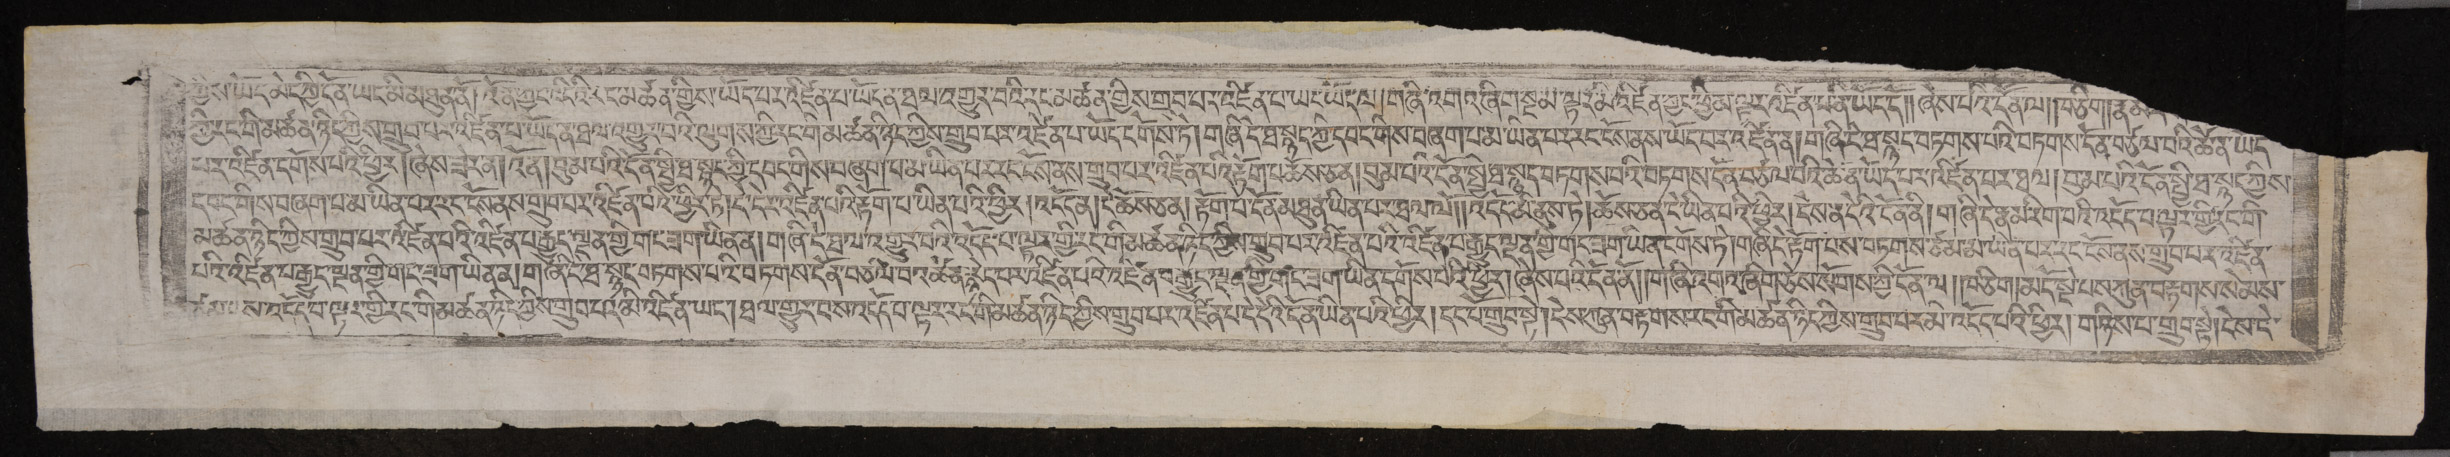ཀྱིས་ཡོད་མེད་ཀྱི་དོན་ཡང་མི་མཐུན་ནོ། འོན་ཀྱང་འདིའི་རང་མཚན་གྱིས་ཡོད་པར་འཛིན་པ་ཡོད་ན་ཐལ་འགྱུར་བའི་རང་མཚན་གྱིས་གྲུབ་པར་འཛིན་པ་ཡང་ཡོད་ལ། གཞི་འགའ་ཞིག་སྔ་མ་ལྟར་མི་འཛིན་ཀྱང་ཕྱི་མ་ལྟར་འཛིན་པ་ནི་ཡོད་དོ། །ཞེས་པའི་དོན་ལ། ཁ་ཅིག །རྣམ་རིག་པའི་ལུགས་
ཀྱི་རང་གི་མཚན་ཉིད་ཀྱིས་གྲུབ་པར་འཛིན་པ་ཡོད་ན་ཐལ་འགྱུར་བའི་ལུགས་ཀྱི་རང་གི་མཚན་ཉིད་ཀྱིས་གྲུབ་པར་འཛིན་པ་ཡོད་དགོས་ཏེ། གཞི་དེ་ཐ་སྙད་ཀྱི་དབང་གིས་བཞག་པ་མ་ཡིན་པར་རང་ངོས་ནས་ཡོད་པར་འཛིན་ན། གཞི་དེ་ཐ་སྙད་བཏགས་པའི་བཏགས་དོན་བཙལ་བའི་ཚེ་ན་ཡོད་
པར་འཛིན་དགོས་པའི་ཕྱིར། ཞེས་ཟེར་ན། འོ་ན། བུམ་པའི་དོན་སྤྱི་ཐ་སྙད་ཀྱི་དབང་གིས་བཞག་པ་མ་ཡིན་པར་རང་ངོས་ནས་གྲུབ་པར་འཛིན་པའི་རྟོག་པ་ཆོས་ཅན། བུམ་པའི་དོན་སྤྱི་ཐ་སྙད་བཏགས་པའི་བཏགས་དོན་བཙལ་བའི་ཚེ་ན་ཡོད་པར་འཛིན་པར་ཐལ། བུམ་པའི་དོན་སྤྱི་ཐ་སྙད་ཀྱི་
དབང་གིས་བཞག་པ་མ་ཡིན་པར་རང་ངོས་ནས་གྲུབ་པར་འཛིན་པའི་ཕྱིར་ཏེ། དེ་དེར་འཛིན་པའི་རྟོག་པ་ཡིན་པའི་ཕྱིར། འདོད་ན། དེ་ཆོས་ཅན། རྟོག་པ་དོན་མཐུན་ཡིན་པར་ཐལ་ལོ། །འདོད་མི་ནུས་ཏེ། ཆོས་ཅན་དེ་ཡིན་པའི་ཕྱིར། དེས་ན་དེའི་དོན་ནི། གཞི་དེ་རྣམ་རིག་པའི་འདོད་པ་ལྟར་གྱི་རང་གི་
མཚན་ཉིད་ཀྱིས་གྲུབ་པར་འཛིན་པའི་འཛིན་པ་རྒྱུད་ལྡན་གྱི་གང་ཟག་ཡིན་ན། གཞི་དེ་ཐལ་འགྱུར་བའི་འདོད་པ་ལྟར་གྱི་རང་གི་མཚན་ཉིད་ཀྱིས་གྲུབ་པར་འཛིན་པའི་འཛིན་པ་རྒྱུད་ལྡན་གྱི་གང་ཟག་ཡིན་དགོས་ཏེ། གཞི་དེ་རྟོག་པས་བཏགས་ཙམ་མ་ཡིན་པར་རང་ངོས་ནས་གྲུབ་པར་འཛིན་
པའི་འཛིན་པ་རྒྱུད་ལྡན་གྱི་གང་ཟག་ཡིན་ནོ། གཞི་དེ་ཐ་སྙད་བཏགས་པའི་བཏགས་དོན་བཙལ་བའི་ཚེ་ན་རྙེད་པར་འཛིན་པའི་འཛིན་པ་རྒྱུད་ལྡན་གྱི་གང་ཟག་ཡིན་དགོས་པའི་ཕྱིར། ཞེས་པའི་དོན་ནོ། །གཞི་འགའ་ཞིག་ཅེས་སོགས་ཀྱི་དོན་ལ། ཁ་ཅིག །མདོ་སྡེ་པས་ཀུན་བརྟགས་སེམས་
ཙམ་པས་འདོད་པ་ལྟར་གྱི་རང་གི་མཚན་ཉིད་ཀྱིས་གྲུབ་པར་མི་འཛིན་ཡང་། ཐལ་གྱུར་བས་འདོད་པ་ལྟར་རང་གི་མཚན་ཉིད་ཀྱིས་གྲུབ་པར་འཛིན་པ་དེ་དེའི་དོན་ཡིན་པའི་ཕྱིར། དང་པོ་གྲུབ་སྟེ། དེས་ཀུན་བརྟགས་རང་གི་མཚན་ཉིད་ཀྱིས་གྲུབ་པར་མི་འདོད་པའི་ཕྱིར། གཉིས་པ་གྲུབ་སྟེ། དེས་དེ་